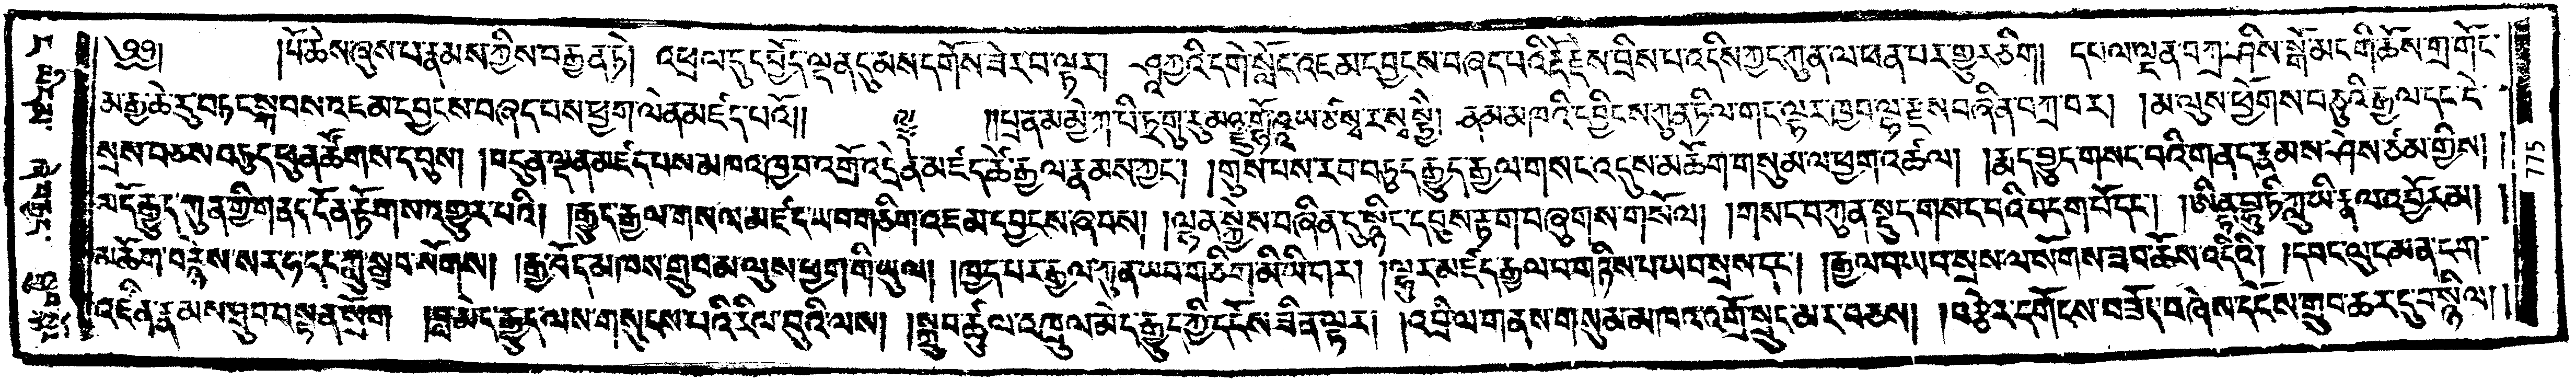༄༅། །པེ་ཆེས་ཞུས་པ་རྣམས་ཀྱིས་བརྒྱན་ཏེ། འཕྲལ་དུ་དབྱོད་ལྡན་དུ་མས་དགོས་ཟེར་བ་ལྟར། ཤཱཀྱའི་དགེ་སློང་འཇམ་དབྱངས་བཞད་པའི་རྡོ་རྗེས་བྲིས་པ་འདིས་ཀྱང་ཀུན་ལ་ཕན་པར་གྱུར་ཅིག། དཔལ་ལྡན་བཀྲ་ཤིས་སྒོ་མང་གི་ཆོས་གྲ་གོང་
མ་རྒྱ་ཆེ་རུ་བཏང་སྐབས་འཇམ་དབྱངས་བཞད་པས་ཕྱག་ལེན་མཛད་པའོ།། ༈ །།པྲ་ནམ་མྱེ་ཀ་པི་ཏྲ་གུ་རུ་མཉྫུ་གྷོ་ཥཱ་ཡ་ཙ་སྭ་ར་སྭ་སྟྱཻ། ནམ་མཁའི་དབྱིངས་ཀུན་ཏིལ་གང་ལྟར་ཁྱབ་ལྷ་རྫས་བཞིན་བཀྲ་བར། །མ་ལུས་ཕྱོགས་བཅུའི་རྒྱལ་དང་ངེ་
སྲས་བཅས་བཏུད་ཕུན་ཚོགས་དབུས། །བདུན་ལྡན་མཛད་པས་མཁའ་ཁྱབ་འགྲོ་འདྲེན་མཛད་ཚེ་རྒྱལ་རྣམས་ཀྱང་། །གུས་པས་རབ་བཏུད་རྒྱད་རྒྱལ་གསང་འདུས་མཆོག་གསུམ་ལ་ཕྱག་འཚལ། །རྨད་བྱུང་གསང་བའི་གནད་རྣམས་ཤེས་ཙམ་གྱིས། །
མདོ་རྒྱུད་ཀུན་གྱི་གནད་དོན་རྟོགས་འགྱུར་པའི། །རྒྱུད་རྒྱལ་གསལ་མཛད་ཡབ་གཅིག་འཇམ་དབྱངས་ཞབས། །ལྷན་སྐྱེས་བཞིན་དུ་སྙིང་དབུས་རྟག་བཞུགས་གསོལ། །གསང་བ་ཀུན་སྡུད་གསང་བའི་བདག་པོ་དང་། །ཨིནྟྲ་བྷུ་ཏི་ཀླུ་ཡི་རྣལ་འབྱོར་མ། །
མཆོག་བརྙེས་སར་ཧ་དང་ཀླུ་སྒྲུབ་སོགས། །རྒྱ་བོད་མཁས་གྲུབ་མ་ལུས་ཕྱག་གི་ཡུལ། །ཁྱད་པར་རྒྱལ་ཀུན་ཡབ་གཅིག་མི་ཡི་གར། །ལྷུར་མཛད་རྒྱལ་པ་གཉིས་པ་ཡབ་སྲས་དང་། །རྒྱལ་བ་ཡབ་སྲས་ལ་སོགས་ཟབ་ཆོས་འདིའི། །དབང་ལུང་མན་ངག་
འཛིན་རྣམས་ཐུབ་བསྟན་སྲོག །བླ་མེད་རྒྱུད་ལས་གསུངས་པའི་རིལ་བུའི་ལས། །སྒྲུབ་ཚུལ་འཁྲུལ་མེད་རྒྱུད་ཀྱི་དངོས་ཟིན་ལྟར། །འབྲི་ལ་གནས་གསུམ་མཁའ་འགྲོ་སྲུང་མར་བཅས། །བརྩེར་དགོངས་བཟོད་བཞེས་དངོས་གྲུབ་ཆར་དུ་བསྙིལ།།